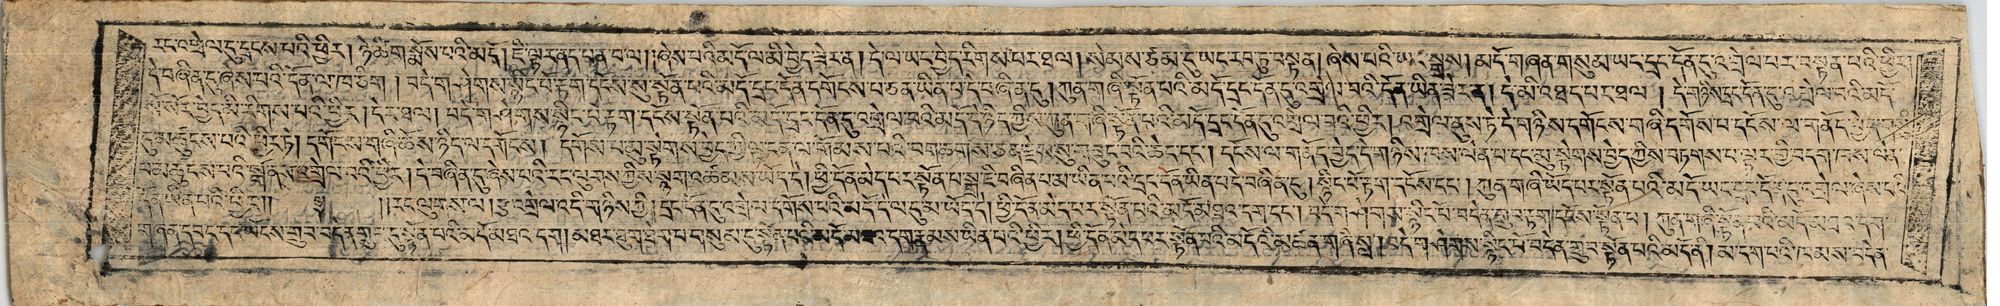རང་འགྲེལ་དུ་དྲངས་པའི་ཕྱིར། ཉེ་ཚིག་སྨོས་པའི་མདོ། ཇི་ལྟར་ནད་པནྦ་ལ། །ཞེས་པའི་མདོ་ལ་མི་བྱེད་ཟེར་ན། དེ་ལ་ཡང་བྱེད་རིགས་བར་ཐལ། སེམས་ཙམ་དུ་ཡང་རབ་ཏུ་བསྟན། ཞེས་པའི་ཡང་སྒྲས། མདོ་གཞན་གསུམ་ཡང་དྲང་དོན་དུ་འགྲེལ་པར་བསྟན་པའི་ཕྱིར།
དེ་བཞིན་དུ་ཞེས་པའི་དོན་ལ་ཁ་ཅིག །བདེ་གཤེགས་སྙིང་པོ་རྟག་དངོས་སུ་སྟོན་པའི་མདོ་དྲང་དོན་དགོངས་པ་ཅན་ཡིན་པ་དེ་བཞིན་དུ། ཀུན་གཞི་སྟོན་པའི་མདོ་དྲང་དོན་དུ་འགྲེལ་བའི་དོན་ཡིན་ཟེར་ན། དེ་མི་འཐད་པར་ཐལ། དེ་གཉིས་དྲང་དོན་དུ་འགྲེལ་བའི་མདོ་
སོ་སོར་བྱེད་མི་རིགས་པའི་ཕྱིར། དེར་ཐལ། བདེ་གཤེགས་སྙིང་པོ་རྟག་དངོས་སྟོན་པའི་མདོ་དྲང་དོན་དུ་འགྲེལ་བའི་མདོ་དེ་ཉིད་ཀྱིས་ཀུན་གཞི་སྟོན་པའི་མདོ་དྲང་དོན་དུ་འགྲེལ་བའི་ཕྱིར། འགྲེལ་ནུས་ཏེ་དེ་གཉིས་དགོངས་གཞི་དགོས་པ་དངོས་ལ་གནོད་བྱེད་གསུམ་
དུ་མཚུངས་པའི་ཕྱིར་ཏེ། དགོངས་གཞི་ཆོས་ཉིད་ལ་དགོངས། དགོས་པ་མུ་སྟེགས་བྱེད་ཀྱི་ལྟ་ངན་ལ་གོམས་པའི་བག་ཆགས་ཅན་རྗེས་སུ་གཟུང་བའི་ཆེད་དང་། དངོས་ལ་གནོད་བྱེད་དེ་གཉིས་ཁས་ལེན་པ་དང་མུ་སྟེགས་བྱེད་ཀྱིས་བཏགས་པ་ལྟར་གྱི་བདག་ཁས་ལེན་
པ་མཚུངས་པའི་སྒོ་ནས་འགྲེལ་བའི་ཕྱིར། དེ་བཞིན་དུ་ཞེས་པའི་རང་ལུགས་ཀྱིས་སྙགྰྪམས་ཡོད་དེ། ཕྱི་དོན་མེད་པར་སྟོན་པ་སྒྲ་ཇི་བཞིན་པ་མ་ཡིན་པའི་དྲང་དོན་ཡིན་པ་དེ་བཞིན་དུ། སྙིང་པོ་རྟག་དངོས་དང་། ཀུན་གཞི་ཡོད་པར་སྟོན་པའི་མདོ་ཡང་དྲང་དོན་དུ་འགྲེལ་ཞེས་པའི་
དོན་ཡིན་པའི་ཕྱིར།། ༈ །།རང་ལུགས་ལ། རྩ་འགྲེལ་འདི་གཉིས་ཀྱི། དྲང་དོན་དུ་འགྲེལ་དགོས་པའི་མདོ་དེ་ལ་དུ་མ་ཡོད་དེ། ཕྱི་དོན་མེད་པར་སྟོན་པའི་མདོ་མཐའ་དག་དང་། བདེ་གཤེགས་སྙིང་པོ་བདེན་གྲུབ་རྟག་དངོས་སྟོན་པ། ཀུན་གཞི་སྟོན་པའི་མདོ་མཐའ་དག་
གཞན་དབང་དང་ཡོངས་གྲུབ་བདེན་གྲུབ་དུ་སྟོན་པའི་མདོ་མཐའ་དག །མཐར་ཐུག་ཐེག་པ་གསུམ་དུ་སྟོན་པའི་མདོ་མཐའ་དག་རྣམས་ཡིན་པའི་ཕྱིར། ཕྱི་དོན་མེད་པར་སྟོན་པའི་མདོའི་མཚན་གཞི་སླ། བདེ་གཤེགས་སྙིང་པོ་བདེན་གྲུབ་སྟོན་པའི་མདོ་ནི། མ་དག་པའི་ཁམས་བདེན་